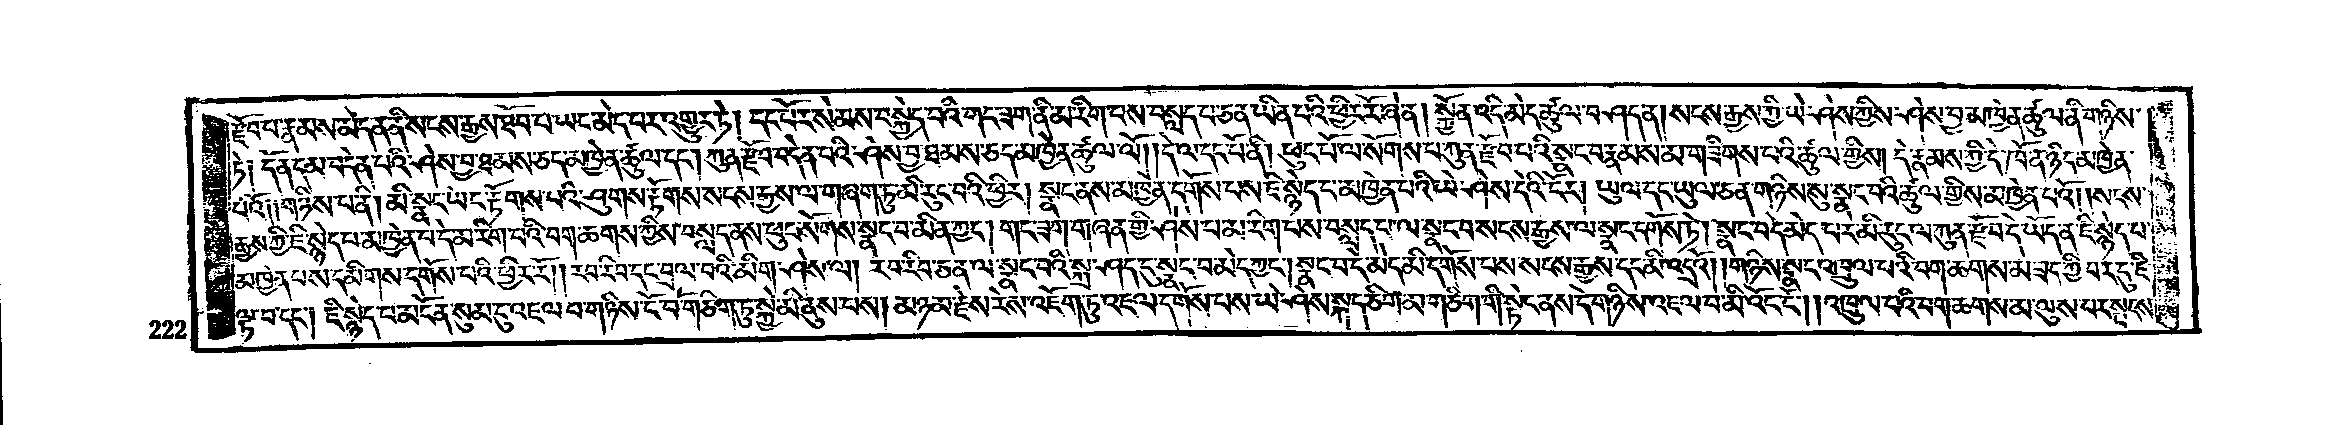རྫོབ་པ་རྣམས་མེད་ན་ནི་སངས་རྒྱས་ཐོབ་པ་ཡང་མེད་པར་འགྱུར་ཏེ། དང་པོར་སེམས་བསྐྱེད་བའི་གང་ཟག་ནི་མ་རིག་པས་བསླད་པ་ཅན་ཡིན་པའི་ཕྱིར་རོ་ཞེ་ན། སྐྱོན་འདི་མེད་ཚུལ་བཤད་ན། སངས་རྒྱས་ཀྱི་ཡེ་ཤེས་ཀྱིས་ཤེས་བྱ་མཁྱེན་ཚུལ་ནི་གཉིས་
ཏེ། དོན་དམ་བདེན་པའི་ཤེས་བྱ་ཐམས་ཅད་མཁྱེན་ཚུལ་དང་། ཀུན་རྫོབ་བདེན་པའི་ཤེས་བྱ་ཐམས་ཅད་མཁྱེན་ཚུལ་ལོ། །དེ་ལ་དང་པོ་ནི། ཕུང་པོ་ལ་སོགས་པ་ཀུན་རྫོབ་པའི་སྣང་བ་རྣམས་མ་གཟིགས་པའི་ཚུལ་གྱིས། དེ་རྣམས་ཀྱི་དེ་ཁོ་ན་ཉིད་མཁྱེན་
པའོ། །གཉིས་པ་ནི། མི་སྣང་ཡང་རྟོགས་པའི་ཤུགས་རྟོགས་སངས་རྒྱས་ལ་གཞག་ཏུ་མི་རུང་བའི་ཕྱིར། སྣང་ནས་མཁྱེན་དགོས་པས་ཇི་སྙེད་པ་མཁྱེན་པའི་ཡེ་ཤེས་དེའི་ངོར། ཡུལ་དང་ཡུལ་ཅན་གཉིས་སུ་སྣང་བའི་ཚུལ་གྱིས་མཁྱེན་པའོ། །སངས་
རྒྱས་ཀྱི་ཇི་སྙེད་པ་མཁྱེན་པ་དེ་མ་རིག་པའི་བག་ཆགས་ཀྱིས་བསླད་ནས་ཕུང་སོགས་སྣང་བ་མིན་ཀྱང་། གང་ཟག་གཞན་གྱི་ཤེས་པ་མ་རིག་པས་བསླད་པ་ལ་སྣང་བ་སངས་རྒྱས་ལ་སྣང་དགོས་ཏེ། སྣང་བ་དེ་མེད་པར་མི་རུང་ལ་ཀུན་རྫོབ་དེ་ཡོད་ན་ཇི་སྙེད་པ་
མཁྱེན་པས་དམིགས་དགོས་པའི་ཕྱིར་རོ། །རབ་རིབ་དང་བྲལ་བའི་མིག་ཤེས་ལ། རབ་རིབ་ཅན་ལ་སྣང་བའི་སྐྲ་ཤད་དུ་སྣང་བ་མེད་ཀྱང་། སྣང་བ་དེ་མེད་མི་དགོས་པས་སངས་རྒྱས་དང་མི་འདྲའོ། །གཉིས་སྣང་འཁྲུལ་པའི་བག་ཆགས་མ་ཟད་ཀྱི་བར་དུ་ཇི་
ལྟ་བ་དང་། ཇི་སྙེད་པ་མངོན་སུམ་དུ་འཇལ་བ་གཉིས་ངོ་བོ་གཅིག་ཏུ་སྐྱེ་མི་ནུས་པས། མཉམ་རྗེས་རེས་འཇོག་ཏུ་འཇལ་དགོས་པས་ཡེ་ཤེས་སྐད་ཅིག་མ་གཅིག་གི་སྟེང་ནས་དེ་གཉིས་འཇལ་བ་མི་འོང་ངོ། །འཁྲུལ་པའི་བག་ཆགས་མ་ལུས་པ་སྤངས་